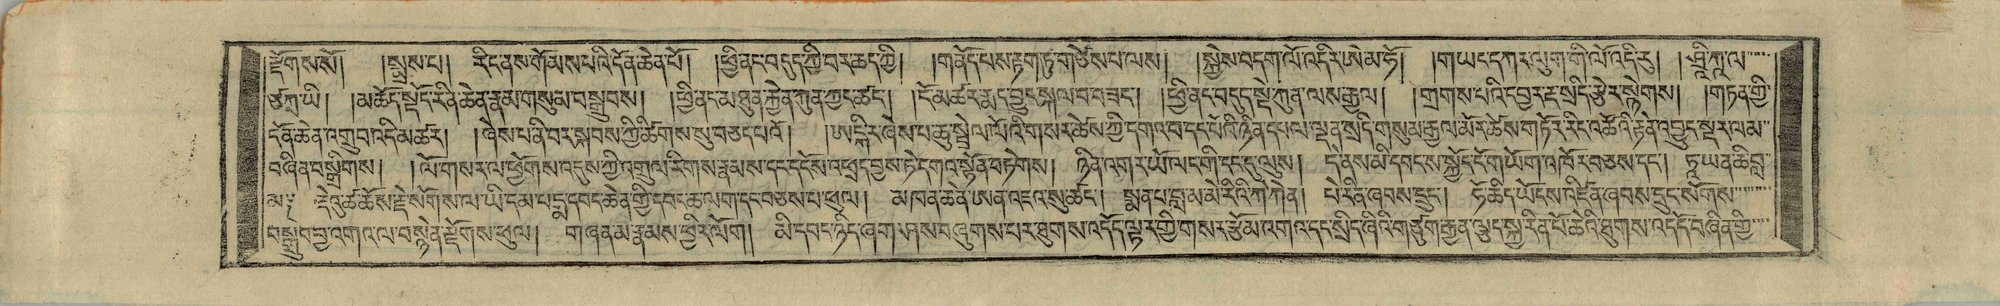རྫོགས་སོ། །སྨྲས་པ། རིང་ནས་གོམས་པའི་དོན་ཆེན་པོ། །ཕྱི་ནང་བདུད་ཀྱི་བར་ཆད་ཀྱི། །གནོད་པས་རྟག་ཏུ་གཙེས་པ་ལས། །སྐྱེས་བདག་ལོ་འདིར་ཨེ་མ་ཧོ། །གཡང་དཀར་ལུག་གི་ལོ་འདི་རུ། །ཤྲཱི་ཀཱ་ལ་
ཙཀྲ་ཡི། །མཆོད་སྡོང་རིན་ཆེན་རྣམ་གསུམ་བསྒྲུབས། །ཕྱི་ནང་མཐུན་རྐྱེན་ཀུན་ཀྱང་ཚང་། །ངོ་མཚར་རྨད་བྱུང་སྐལ་བ་བཟང་། །ཕྱི་ནང་བདུད་སྡེ་ཀུན་ལས་རྒྱལ། །གྲགས་པའི་དབྱར་རྡ་སྲིད་རྩེར་སྙེགས། །གཏན་གྱི་
དོན་ཆེན་འགྲུབ་འདི་མཚར། །ཞེས་པ་ནི་བར་སྐབས་ཀྱི་ཚིགས་སུ་བཅད་པའོ། །ཨངྐིར་ཞེས་པ་ཆུ་སྤྲེལ་ལོའི་གསར་ཚེས་ཀྱི་དགའ་བ་དང་པོའི་ཉིན་དཔལ་ལྡན་སྲིད་གསུམ་རྒྱལ་མོར་ཚེས་གཏོར་རིང་འཚོའི་རྟེན་འབྱུང་སྔར་ལམ་
བཞིན་བསྒྲིགས། །ལོ་གསར་ལ་ཕྱོགས་འདུས་ཀྱི་འགྲུལ་རིགས་རྣམས་དང་དངོས་འཕྲད་བྱས་ཏེ་དགའ་སྟོན་བཏེགས། ཉིན་འགར་ཡོ་ལང་གི་དང་དུ་ལུས། དེ་ནས་མི་དབང་ས་སྐྱོང་ངོ་གཡོག་འཁོར་བཅས་དང་། ཏཱ་ཡན་ཆི་བླ་
མ༑ རྡེའུ་ཚ་ཆོས་རྗེ་སོགས་ལ་ཡི་དམ་པདམ་དབང་ཆེན་གྱི་དབང་ཆ་ལག་དང་བཅས་པ་ཕུལ། མཁན་ཆེན་ཨན་འཇའ་སུ་ཚང་། སྨན་པ་བླ་མ་མེ་རིའི་ཀ་ཀེན། པེ་རིན་ཞབས་དྲུང་། ཧོ་ཆིད་ཡོངས་འཛིན་ཞབས་དྲུང་སོགས་
བསྒྲུབ་བྱ་འགའ་ལ་བསྙེན་རྫོགས་ཕུལ། གཞན་མ་རྣམས་ཕྱིར་ལོག །བླ་མི་དབང་ཉིད་ཞག་ཤས་བཞུགས་པར་ཐུགས་འདོད་ལྟར་གྱི་གསར་རྩོམ་འགའ་དང་སྲིད་ཞིའི་གཙུག་རྒྱན་ལྕང་སྐྱ་རིན་པོ་ཆེའི་ཐུགས་འདོད་བཞིན་གྱི་